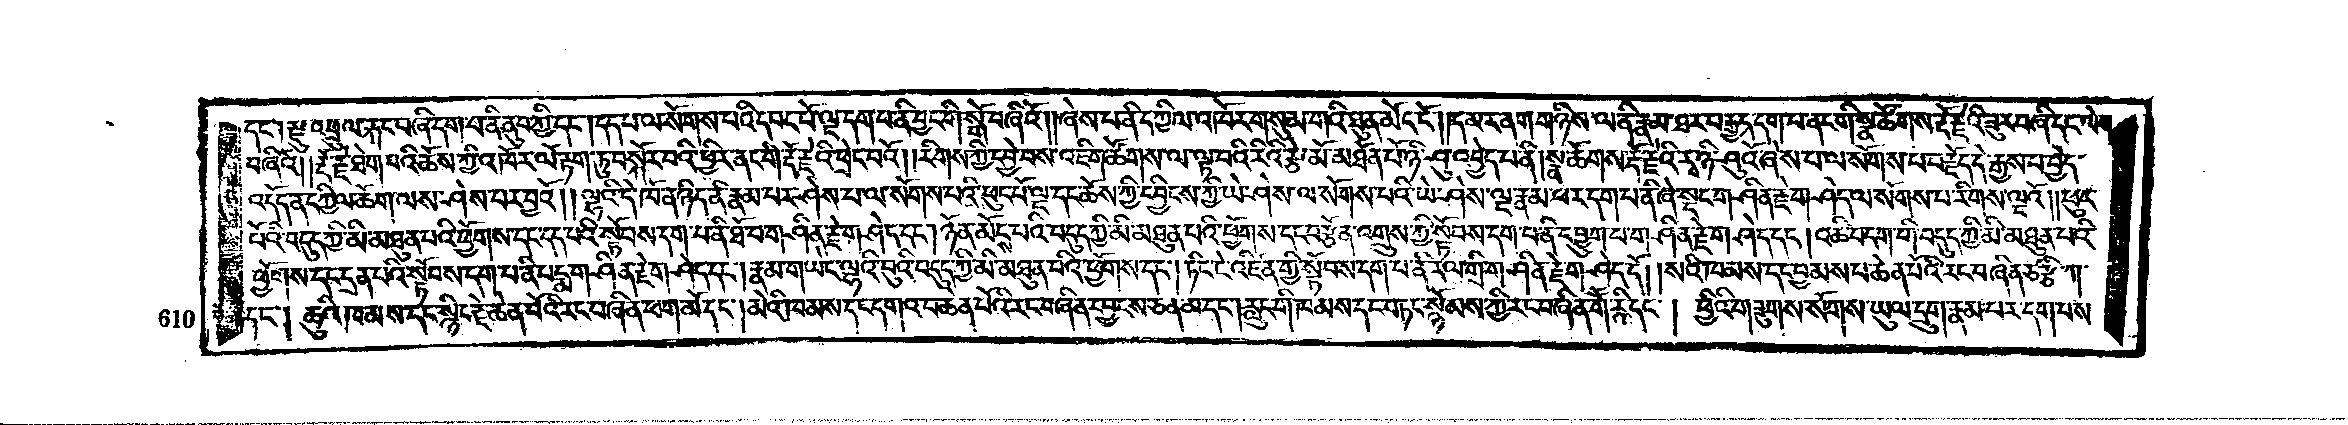དང་། རྫུ་འཕྲུལ་རྐང་བཞི་དག་པ་ནི་ནུབ་ཀྱི་དང་། དད་པ་ལ་སོགས་པའི་དབང་པོ་ལྔ་དག་པ་ནི་བྱང་གི་སྒོ་བཞིའོ། །ཞེས་པ་ནི་དཀྱིལ་འཁོར་གསུམ་གའི་ཐུན་མོང་ངོ། །དམར་ནག་གཉིས་ལ་ནི་རྣམ་ཐར་བརྒྱད་དག་པ་ནང་གི་སྣ་ཚོགས་རྡོ་རྗེའི་ཟུར་བཞི་དང་ལེག་
བཞིའོ། །རྡོ་རྗེ་ཐེག་པའི་ཆོས་ཀྱི་འཁོར་ལོ་རྟག་ཏུ་བསྐོར་བའི་ཕྱིར་ནང་གི་རྡོ་རྗེའི་ཕྲེང་བའོ། །རིགས་ཀྱི་དབྱེ་བས་འཇིག་ཚོགས་ལ་ལྟ་བའི་རིའི་རྩེ་མོ་མཐོན་པོ་ཉི་ཤུ་འབྱེད་པ་ནི། སྣ་ཚོགས་རྡོ་རྗེའི་རྭ་ཉི་ཤུའོ་ཞེས་པ་ལ་སོགས་པ་བརྗོད་དེ་རྒྱས་པ་བྱེད་
འདོད་ན་དཀྱིལ་ཆོག་ལས་ཤེས་པར་བྱའོ། །ལྷའི་དེ་ཁོ་ན་ཉིད་ནི་རྣམ་པར་ཤེས་པ་ལ་སོགས་པའི་ཕུང་པོ་ལྔ་དང་ཆོས་ཀྱི་དབྱིངས་ཀྱི་ཡེ་ཤེས་ལ་སོགས་པའི་ཡེ་ཤེས་ལྔ་རྣམ་པར་དག་པ་ནི་ཞེ་སྡང་གཤིན་རྗེ་གཤེད་ལ་སོགས་པ་རིགས་ལྔའོ། །ཕུང་
པོའི་བདུད་ཀྱི་མི་མཐུན་པའི་ཕྱོགས་དང་དད་པའི་སྟོབས་དག་པ་ནི་ཐོ་བ་གཤིན་རྗེ་གཤེད་དང་། ཉོན་མོངས་པའི་བདུད་ཀྱི་མི་མཐུན་པའི་ཕྱོགས་དང་བརྩོན་འགྲུས་ཀྱི་སྟོབས་དག་པ་ནི་དབྱུག་པ་གཤིན་རྗེ་གཤེད་དང་། འཆི་བདག་གི་བདུད་ཀྱི་མི་མཐུན་པའི་
ཕྱོགས་དང་དྲན་པའི་སྟོབས་དག་པ་ནི་པདམ་གཤིན་རྗེ་གཤེད་དང་། རྣམ་གཡེང་ལྷའི་བུའི་བདུད་ཀྱི་མི་མཐུན་པའི་ཕྱོགས་དང་། ཏིང་ངེ་འཛིན་གྱི་སྟོབས་དག་པ་ནི་རལ་གྲི་གཤིན་རྗེ་གཤེད་དོ། །སའི་ཁམས་དང་བྱམས་པ་ཆེན་པོའི་རང་བཞིན་ཙ་རྩི་ཀ་
དང་། ཆུའི་ཁམས་དང་སྙིང་རྗེ་ཆེན་པོའི་རང་བཞིན་ཕག་མོ་དང་། མེའི་ཁམས་དང་དགའ་བ་ཆེན་པོའི་རང་བཞིན་དབྱངས་ཅན་མ་དང་། རླུང་གི་ཁམས་དང་བཏང་སྙོམས་ཀྱི་རང་བཞིན་གཽ་རཱི་དང་། ཕྱིའི་གཟུགས་སོགས་ཡུལ་དྲུག་རྣམ་པར་དག་པས་